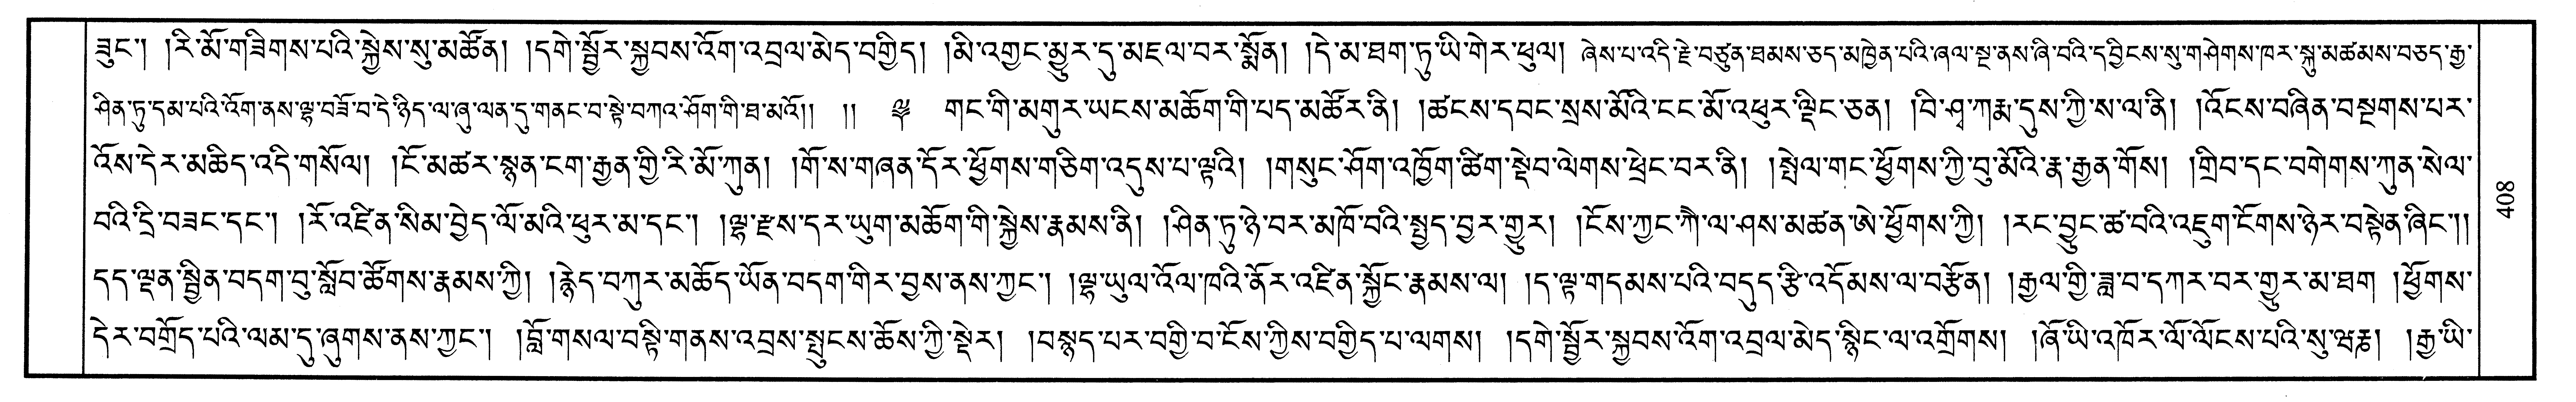ཟུང་། །རི་མོ་གཟིགས་པའི་སྐྱེས་སུ་མཚོན། །དགེ་སྦྱོར་སྐྱབས་འོག་འབྲལ་མེད་བགྱིད། །མི་འགྱང་མྱུར་དུ་མཇལ་བར་སྨོན། །དེ་མ་ཐག་ཏུ་ཡི་གེར་ཕུལ། ཞེས་པ་འདི་རྗེ་བཙུན་ཐམས་ཅད་མཁྱེན་པའི་ཞལ་སྔ་ནས་ཞི་བའི་དབྱིངས་སུ་གཤེགས་ཁར་སྐུ་མཚམས་བཅད་རྒྱ་
ཤིན་ཏུ་དམ་པའི་འོག་ནས་ལྷ་བཟོ་བ་དེ་ཉིད་ལ་ཞུ་ལན་དུ་གནང་བ་སྟེ་བཀའ་ཤོག་གི་ཐ་མའོ།། །། ༈ གང་གི་མགུར་ཡངས་མཆོག་གི་པད་མཚོར་ནི། །ཚངས་དབང་སྲས་མོའི་ངང་མོ་འཕུར་ལྡིང་ཅན། །བི་ཤྭ་ཀརྨ་དུས་ཀྱི་ས་ལ་ནི། །འོངས་བཞིན་བསྔགས་པར་
འོས་དེར་མཆིད་འདི་གསོལ། །ངོ་མཚར་སྙན་ངག་རྒྱན་གྱི་རི་མོ་ཀུན། །གོ་ས་གཞན་དོར་ཕྱོགས་གཅིག་འདུས་པ་ལྟའི། །གསུང་ཤོག་འཁྱོག་ཚིག་སྡེབ་ལེགས་ཕྲེང་བར་ནི། །སྤེལ་གང་ཕྱོགས་ཀྱི་བུ་མོའི་རྣ་རྒྱན་གོས། །གྲིབ་དང་བགེགས་ཀུན་སེལ་
བའི་དྲི་བཟང་དང་། །རོ་འཛིན་སིམ་བྱེད་ལོ་མའི་ཕུར་མ་དང་། །ལྷ་རྫས་དར་ཡུག་མཆོག་གི་སྐྱེས་རྣམས་ནི། །ཤིན་ཏུ་ཉེ་བར་མཁོ་བའི་སྤྱད་བྱར་གྱུར། །ངོས་ཀྱང་ཀཻ་ལ་ཤས་མཚན་ཨེ་ཕྱོགས་ཀྱི། །རང་བྱུང་ཚ་བའི་འཇུག་ངོགས་ཉེར་བསྟེན་ཞིང།།
དད་ལྡན་སྦྱིན་བདག་བུ་སློབ་ཚོགས་རྣམས་ཀྱི། །རྙེད་བཀུར་མཆོད་ཡོན་བདག་གིར་བྱས་ནས་ཀྱང་། །ལྷ་ཡུལ་འོལ་ཁའི་ནོར་འཛིན་སྐྱོང་རྣམས་ལ། །ད་ལྟ་གདམས་པའི་བདུད་རྩི་འདོམས་ལ་བརྩོན། །རྒྱལ་གྱི་ཟླ་བ་དཀར་བར་གྱུར་མ་ཐག །ཕྱོགས་
དེར་བགྲོད་པའི་ལམ་དུ་ཞུགས་ནས་ཀྱང་། །བློ་གསལ་བསྟི་གནས་འབྲས་སྤུངས་ཆོས་ཀྱི་སྡེར། །བསྙད་པར་བགྱི་བ་ངོས་ཀྱིས་བགྱིད་པ་ལགས། །དགེ་སྦྱོར་སྐྱབས་འོག་འབྲལ་མེད་སྙིང་ལ་འགྲོགས། །ཞོ་ཡི་འཁོར་ལོ་ལོངས་པའི་སུ་ཝརྞ། །རྒྱ་ཡི་